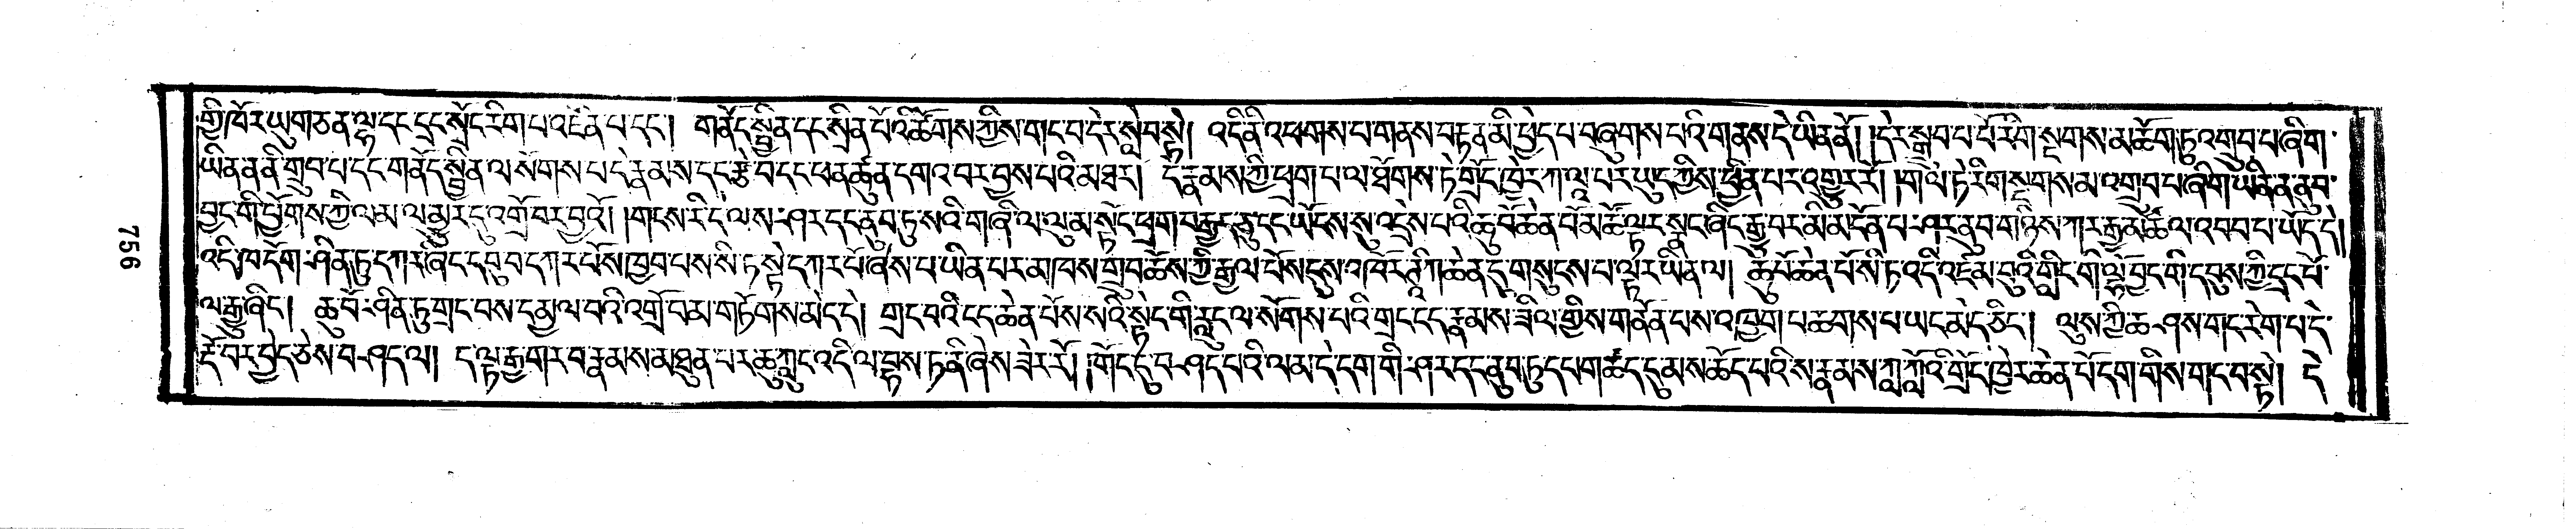གྱི་ཁོར་ཡུག་ཅན་ལྷ་དང་དྲང་སྲོང་རིག་པ་འཛིན་པ་དང་། གནོད་སྦྱིན་དང་སྲིན་པོའི་ཚོགས་ཀྱིས་གང་བ་དེར་སླེབ་སྟེ། འདི་ནི་འཕགས་པ་གནས་བརྟན་མི་ཕྱེད་པ་བཞུགས་པའི་གནས་དེ་ཡིན་ནོ། །དེར་སྒྲུབ་པ་པོ་རིག་སྔགས་མཆོག་ཏུ་འགྲུབ་པ་ཞིག་
ཡིན་ན་ནི་གྲུབ་པ་དང་གནོད་སྦྱིན་ལ་སོགས་པ་དེ་རྣམས་དང་རྩེ་བ་དང་ཕན་ཚུན་དགའ་བར་བྱས་པའི་མཐར། དེ་རྣམས་ཀྱི་ཕྲག་པ་ལ་ཐོགས་ཏེ་གྲོང་ཁྱེར་ཀ་ལཱ་པར་ཡུད་ཀྱིས་ཕྱིན་པར་འགྱུར་རོ། །ག་ལ་ཏེ་རིག་སྔགས་མ་འགྲུབ་པ་ཞིག་ཡིན་ན་ནུབ་
བྱང་གི་ཕྱོགས་ཀྱི་ལམ་ལ་མྱུར་དུ་འགྲོ་བར་བྱའོ། །གསངས་རི་དེ་ལས་ཤར་དང་ནུབ་ཏུ་སའི་གཞི་ལ་ལུ་མ་སྟོང་ཕྲག་བརྒྱད་ཅུ་དང་ཡོངས་སུ་འདྲེས་པའི་ཆུ་བོ་ཆེན་མོ་མཚོ་ལྟར་སྣང་ཞིང་རྒྱུ་བར་མི་མངོན་པ་ཤར་ནུབ་གཉིས་ཀར་རྒྱ་མཚོལ་འབབ་པ་ཡོད་དེ།
འདི་ཁ་དོག་ཤིན་ཏུ་དཀར་ཞིང་དབུ་བ་དཀར་པོས་ཁྱབ་པས་སི་ཏ་སྟེ་དཀར་པོ་ཞེས་པ་ཡིན་པར་མཁས་གྲུབ་ཆོས་ཀྱི་རྒྱལ་པོས་དུས་འཁོར་ཊཱི་ཀ་ཆེན་དུ་གསུངས་པ་ལྟར་ཡིན་ལ། ཆུ་པོ་ཆེན་པོ་སི་ཏ་འདི་འཛམ་བུའི་གླིང་གི་ལྷོ་བྱང་གི་དབུས་ཀྱི་དྲང་པོ་
ལ་རྒྱུ་ཞིང་། ཆུ་བོ་ཤིན་ཏུ་གྲང་བས་དམྱལ་བའི་འགྲོ་བམ་གཏོགས་མེད་དེ། གྲང་བའི་དད་ཆེན་པོས་སའི་སྟེང་གི་རླུང་ལ་སོགས་པའི་གྲང་དད་རྣམས་ཟིལ་གྱིས་གནོན་པས་འཁྱག་པ་ཆགས་པ་ཡང་མེད་ཅིང་། ལུས་ཀྱི་ཆ་ཤས་གང་རེག་པ་དེ་
རྡོ་བར་བྱེད་ཅེས་བཤད་ལ། ད་ལྟ་རྒྱ་གར་བ་རྣམས་མཐུན་པར་ཆུ་ཀླུང་འདི་ལ་བྷས་ཏ་ནི་ཞེས་ཟེར་རོ། །གོང་དུ་བཤད་པའི་ལམ་དེ་དག་གི་ཤར་དང་ནུབ་ཏུ་དཔག་ཚད་དུ་མས་ཆོས་པའི་ས་རྣམས་ཀླ་ཀློའི་གྲོང་ཁྱེར་ཆེན་པོ་དག་གིས་གང་བ་སྟེ། དེ་